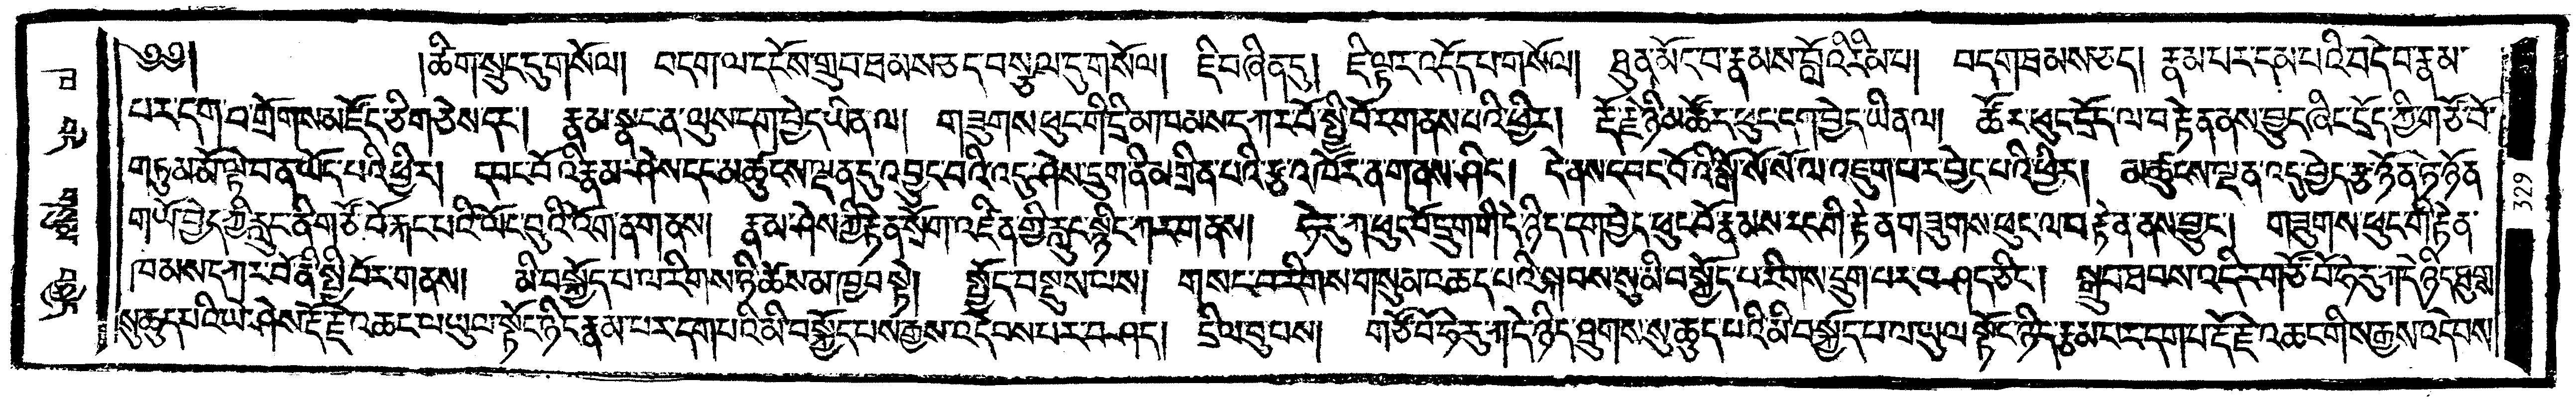༄༅། །ཚིག་སྲུང་དུ་གསོལ། བདག་ལ་དངོས་གྲུབ་ཐམས་ཅད་བསྩལ་དུ་གསོལ། ཇི་བཞིན་དུ། ཇི་ལྟར་འདོད་པ་གསོལ། ཐུན་མོང་བ་རྣམས་བློའི་རིམ་པ། བདག་ཐམས་ཅད། རྣམ་པར་དམ་པའི་བདེ་བ་རྣམ་
པར་དག་པ་གྲོགས་མཛོད་ཅིག་ཅེས་དང་། རྣམ་སྣང་ན་ལུས་དག་བྱེད་ཡིན་ལ། གཟུགས་ཕུང་གི་དྲི་མ་ཁམས་དཀར་པོ་སྤྱི་བོར་གནས་པའི་ཕྱིར། རྡོ་རྗེ་ཉི་མ་ཚོར་ཕུང་དག་བྱེད་ཡིན་ལ། ཚོར་ཕུང་དྲོད་ལ་བརྟེན་ནས་བྱུང་ཞིང་དྲོད་ཀྱི་གཙོ་བོ་
གཏུམ་མོ་ལྟེ་བ་ན་ཡོད་པའི་ཕྱིར། དབང་པོའི་རྣམ་ཤེས་དང་མཚུངས་ལྡན་དུ་འབྱུང་བའི་འདུ་ཤེས་དྲུག་ནི་མགྲིན་པའི་རྩ་འཁོར་ན་གནས་ཤིང་། དེ་ནས་དབང་པོའི་སྒོ་སོ་སོ་ལ་འཇུག་པར་བྱེད་པའི་ཕྱིར། མཚུངས་ལྡན་འདུ་བྱེད་རྩ་ཉོན་ཏེ་ཉོན་
གཡོ་བྱེད་ཀྱི་རླུང་ནི་གཙོ་བོ་རྐང་པའི་ལོང་བུའི་འོག་ན་གནས། རྣམ་ཤེས་ཀྱི་རྟེན་སྲོག་འཛིན་གྱི་རླུང་སྙིང་ཀར་གནས། ཧེ་རུ་ཀ་ཕུང་པོ་དྲུག་གི་དེ་ཉིད་དག་བྱེད་ཕུང་པོ་རྣམས་རང་གི་རྟེན་གཟུགས་ཕུང་ལ་བརྟེན་ནས་བྱུང་། གཟུགས་ཕུང་གི་རྟེན་
ཁམས་དཀར་པོ་ནི་སྤྱི་བོར་གནས། མི་བསྐྱོད་པ་ལ་རིགས་ཉི་ཚེས་མ་ཁྱབ་སྟེ། སྤྱོད་བསྡུས་ལས། གསང་བ་རིགས་གསུམ་འཆད་པའི་སྐབས་སུ་མི་བསྐྱོད་པ་རིགས་དྲུག་པར་བཤད་ཅིང་། སྒྲུབ་ཐབས་འདིར་གཙོ་བོ་ཧེ་རུ་ཀ་དེ་ཉིད་ཐུགས་
སུ་ཆུད་པའི་ཡེ་ཤེས་རྡོ་རྗེ་འཆང་ལ་ཡུལ་སྟོང་ཉིད་རྣམ་པར་དག་པའི་མི་བསྐྱོད་པས་རྒྱས་འདེབས་པར་བཤད། དྲིལ་བུ་བས། གཙོ་བོ་ཧེ་རུ་ཀ་དེ་ཉིད་ཐུགས་སུ་ཆུད་པའི་མི་བསྐྱོད་པ་ལ་ཡུལ་སྟོང་ཉིད་རྣམ་པར་དག་པ་རྡོ་རྗེ་འཆང་གིས་རྒྱས་འདེབས་